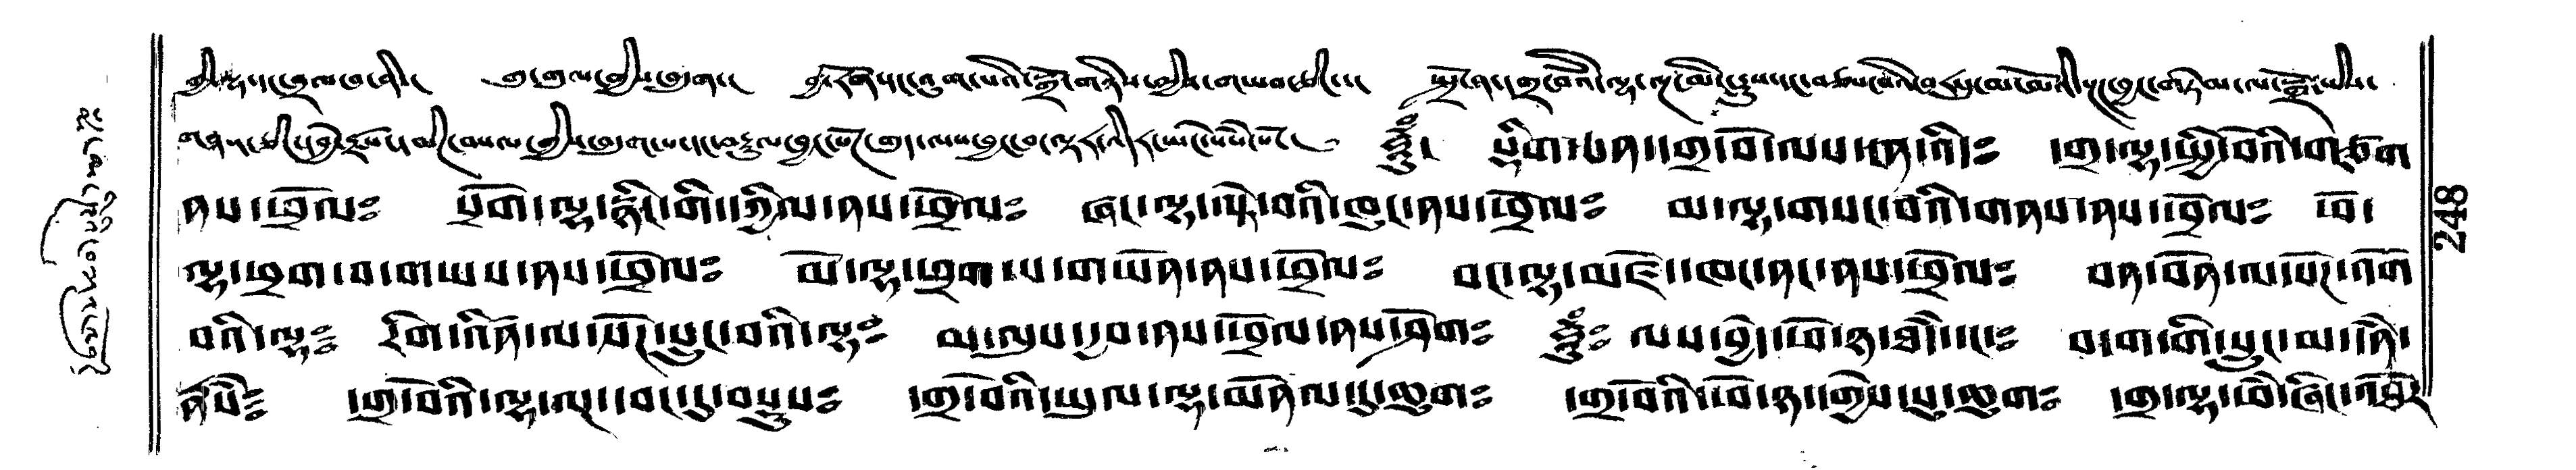གྱི་ལྷ་དང་ཕྲ་བ་ནི་གུ་གུལ་གྱི་བདུག བྱ་རོག་དང་འུག་པའི་སྒྲོ་གཉིས་ཀྱིས་གཡབ་ཅིང་། སྤྲོ་ན་དགྲ་བོའི་ལྷ་ལྔ་མིང་རུས་དང་བཅས་པའི་བར་དུ་མ་མོའི་སྔགས་བྱང་གཏེམ་ལ་སྒྲོ་ཡིས་
གནན་ཅིང་དབྱེ་རྫས་དམིགས་བསལ་གྱིས་བདུག་པ་དང་བསྐུལ་བྱང་སོགས་གུད་ལས་བྱུང་བ་ལྟར་འདིར་ཡང་སེམས་སོ།། ཧཱུྃཿ སྡིག་ཅན་དགྲ་བོ་ལས་ངན་འདིཿ དགྲ་ལྷ་སྤྱི་བོའི་གཙུག་
ནས་ཕྲོལཿ སྲོག་ལྷ་སྙིང་གི་དཀྱིལ་ནས་ཕྲོལཿ ཞང་ལྷ་ལྟེ་བའི་ཁུང་ནས་ཕྲོལཿ མ་ལྷ་གསང་བའི་གནས་ནས་ཕྲོལཿ ཕོ་
ལྷ་ཕྲག་པ་གཡས་ནས་ཕྲོལཿ མོ་ལྷ་ཕྲག་པ་གཡོན་ནས་ཕྲོལཿ བང་ལྷ་མཛོད་ཁང་ནང་ནས་ཕྲོལཿ བན་བོན་ལ་སོགས་འགོ་
བའི་ལྷཿ རིག་འཛིན་ལ་སོགས་སྲུང་བའི་ལྷཿ མ་ལུས་རྒྱབ་ནས་ཕྲོལ་ནས་ཤོགཿ ཧཱུྃཿ ལས་བྱེད་ཕོ་ཉ་ཐམས་ཅད་དངཿ བདག་གི་སྲུང་མ་དམ་ཅན་
རྣམསཿ དགྲ་བོའི་ལྷ་ལྔ་དབང་དུ་སྡུསཿ དགྲ་བོའི་ཡུལ་ལྷ་མནོལ་དུ་ཆུགསཿ དགྲ་བོའི་ཕོ་ཉ་གྱེས་སུ་ཆུགསཿ དགྲ་ལྷ་ཕམ་ཞིང་འཐོར